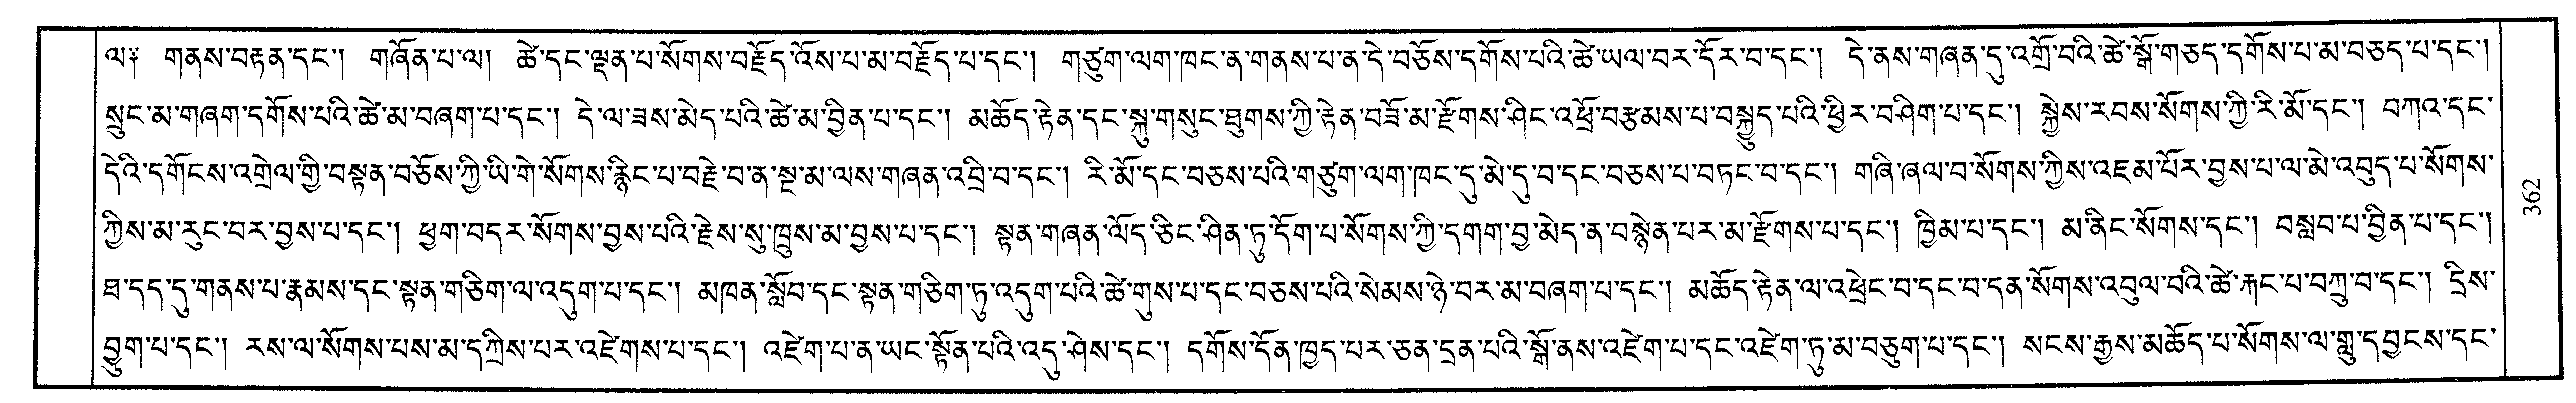ལ༑ གནས་བརྟན་དང་། གཞོན་པ་ལ། ཚེ་དང་ལྡན་པ་སོགས་བརྗོད་འོས་པ་མ་བརྗོད་པ་དང་། གཙུག་ལག་ཁང་ན་གནས་པ་ན་དེ་བཅོས་དགོས་པའི་ཚེ་ཡལ་བར་དོར་བ་དང་། དེ་ནས་གཞན་དུ་འགྲོ་བའི་ཚེ་སྒོ་གཅད་དགོས་པ་མ་བཅད་པ་དང་།
སྲུང་མ་གཞག་དགོས་པའི་ཚེ་མ་བཞག་པ་དང་། དེ་ལ་ཟས་མེད་པའི་ཚེ་མ་བྱིན་པ་དང་། མཆོད་རྟེན་དང་སྐུ་གསུང་ཐུགས་ཀྱི་རྟེན་བཟོ་མ་རྫོགས་ཤིང་འཕྲོ་བརྩམས་པ་བསྐྱུད་པའི་ཕྱིར་བཤིག་པ་དང་། སྐྱེས་རབས་སོགས་ཀྱི་རི་མོ་དང་། བཀའ་དང་
དེའི་དགོངས་འགྲེལ་གྱི་བསྟན་བཅོས་ཀྱི་ཡི་གེ་སོགས་རྙིང་པ་བརྗེ་བ་ན་སྔ་མ་ལས་གཞན་འབྲི་བ་དང་། རི་མོ་དང་བཅས་པའི་གཙུག་ལག་ཁང་དུ་མེ་དུ་བ་དང་བཅས་པ་བཏང་བ་དང་། གཞི་ཞལ་བ་སོགས་ཀྱིས་འཇམ་པོར་བྱས་པ་ལ་མེ་འབུད་པ་སོགས་
ཀྱིས་མ་རུང་བར་བྱས་པ་དང་། ཕྱག་བདར་སོགས་བྱས་པའི་རྗེས་སུ་ཁྲུས་མ་བྱས་པ་དང་། སྟན་གཞན་ལོད་ཅིང་ཤིན་ཏུ་དོག་པ་སོགས་ཀྱི་དགག་བྱ་མེད་ན་བསྙེན་པར་མ་རྫོགས་པ་དང་། ཁྱིམ་པ་དང་། མ་ནིང་སོགས་དང་། བསླབ་པ་བྱིན་པ་དང་།
ཐ་དད་དུ་གནས་པ་རྣམས་དང་སྟན་གཅིག་ལ་འདུག་པ་དང་། མཁན་སློབ་དང་སྟན་གཅིག་ཏུ་འདུག་པའི་ཚེ་གུས་པ་དང་བཅས་པའི་སེམས་ཉེ་བར་མ་བཞག་པ་དང་། མཆོད་རྟེན་ལ་འཕྲེང་བ་དང་བ་དན་སོགས་འབུལ་བའི་ཚེ་རྐང་པ་བཀྲུ་བ་དང་། དྲིས་
བྱུག་པ་དང་། རས་ལ་སོགས་པས་མ་དཀྲིས་པར་འཛེགས་པ་དང་། འཛེག་པ་ན་ཡང་སྟོན་པའི་འདུ་ཤེས་དང་། དགོས་དོན་ཁྱད་པར་ཅན་དྲན་པའི་སྒོ་ནས་འཛེག་པ་དང་འཛེག་ཏུ་མ་བཅུག་པ་དང་། སངས་རྒྱས་མཆོད་པ་སོགས་ལ་གླུ་དབྱངས་དང་